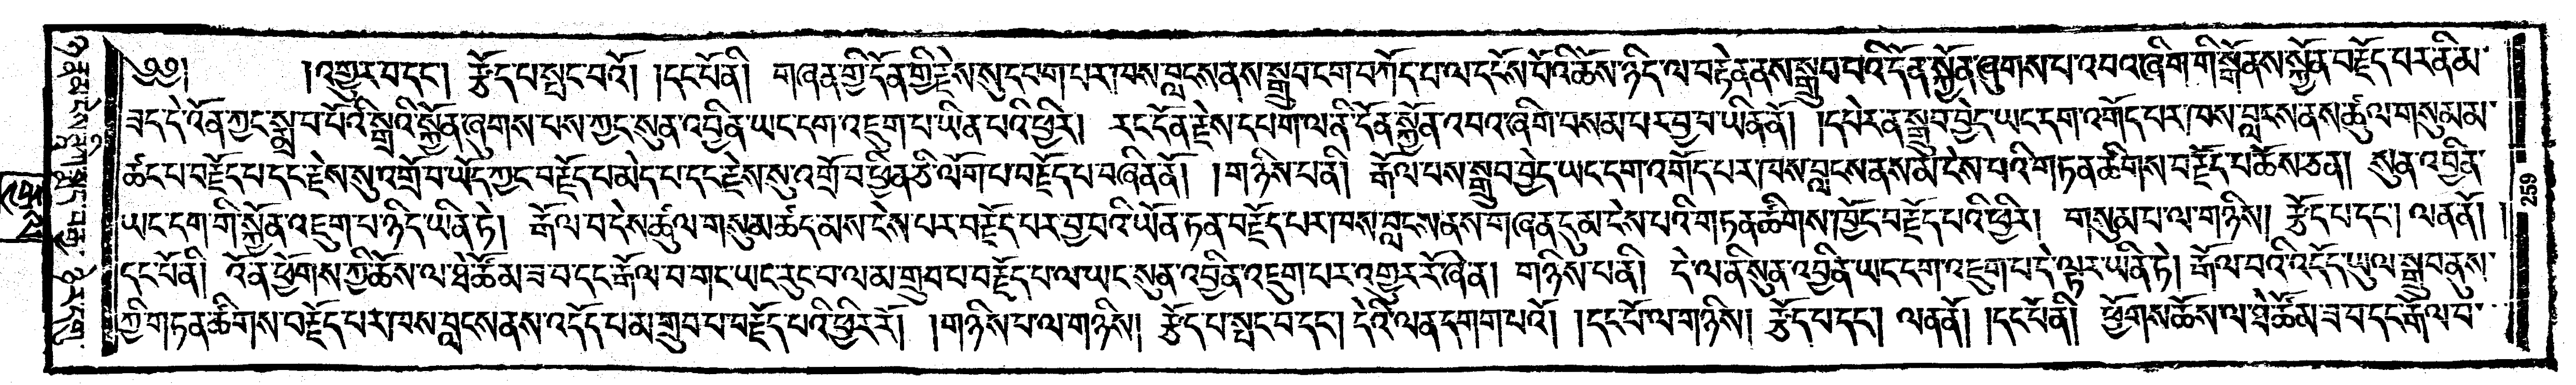༄༅། །འགྱུར་བ་དང་། རྩོད་པ་སྤང་བའོ། །དང་པོ་ནི། གཞན་གྱི་དོན་གྱི་རྗེས་སུ་དཔག་པར་ཁས་བླངས་ནས་སྒྲུབ་ངག་བཀོད་པ་ལ་དངོས་པོའི་ཆོས་ཉིད་ལ་བརྟེན་ནས་སྒྲུབ་པའི་དོན་སྐྱོན་ཞུགས་པ་འགའ་ཞིག་གི་སྒོ་ནས་སྐྱོན་བརྗོད་པར་ནི་མ་
ཟད་དེ་འོན་ཀྱང་སྨྲ་བ་པོའི་སྐྱོན་ཞུགས་པས་ཀྱང་སུན་འབྱིན་ཡང་དག་འཇུག་པ་ཡིན་པའི་ཕྱིར། རང་དོན་རྗེས་དཔག་ལ་ནི་དོན་སྐྱོན་འབའ་ཞིག་བསམ་པར་བྱ་བ་ཡིན་ནོ། །དཔེར་ན་སྒྲུབ་བྱེད་ཡང་དག་འགོད་པར་ཁས་བླངས་ནས་ཚུལ་གསུམ་མ་
ཚང་པ་བརྗོད་པ་དང་རྗེས་སུ་འགྲོ་བ་ཡོད་ཀྱང་བརྗོད་པ་མེད་པ་དང་རྗེས་སུ་འགྲོ་བ་ཕྱིན་ཅི་ལོག་པ་བརྗོད་པ་བཞིན་ནོ། །གཉིས་པ་ནི། རྒོལ་པས་སྒྲུབ་བྱེད་ཡང་དག་འགོད་པར་ཁས་བླངས་ནས་མ་ངེས་པའི་གཏན་ཚིགས་བརྗོད་པ་ཆོས་ཅན། སུན་འབྱིན་
ཡང་དག་གི་སྐྱོན་འཇུག་པ་ཉིད་ཡིན་ཏེ། རྒོལ་བ་དེས་ཚུལ་གསུམ་ཚད་མས་ངེས་པར་བྱ་བའི་ཡོན་ཏན་བརྗོད་པར་ཁས་བླངས་ནས་གཞན་དུ་མ་ངེས་པའི་གཏན་ཚིགས་ཁྱོད་བརྗོད་པའི་ཕྱིར། གསུམ་པ་ལ་གཉིས། རྩོད་པ་དང་། ལན་ནོ། །
དང་པོ་ནི། འོ་ན་ཕྱོགས་ཀྱི་ཆོས་ལ་ཐེ་ཚོམ་ཟ་བ་དང་རྒོལ་བ་གང་ཡང་རུང་བ་ལ་མ་གྲུབ་པ་བརྗོད་པ་ལ་ཡང་སུན་འབྱིན་འཇུག་པར་འགྱུར་རོ་ཞེ་ན། གཉིས་པ་ནི། དེ་ལ་ནི་སུན་འབྱིན་ཡང་དག་འཇུག་པ་དེ་ལྟར་ཡིན་ཏེ། རྒོལ་བའི་འདོད་ཡུལ་སྒྲུབ་ནུས་
ཀྱི་གཏན་ཚིགས་བརྗོད་པར་ཁས་བླངས་ནས་འདོད་པ་མ་གྲུབ་པ་བརྗོད་པའི་ཕྱིར་རོ། །གཉིས་པ་ལ་གཉིས། རྩོད་པ་སྤང་བ་དང་། དེའི་ལན་དགག་པའོ། །དང་པོ་ལ་གཉིས། རྩོད་པ་དང་། ལན་ནོ། །དང་པོ་ནི། ཕྱོགས་ཆོས་ལ་ཐེ་ཚོམ་ཟ་བ་དང་རྒོལ་བ་